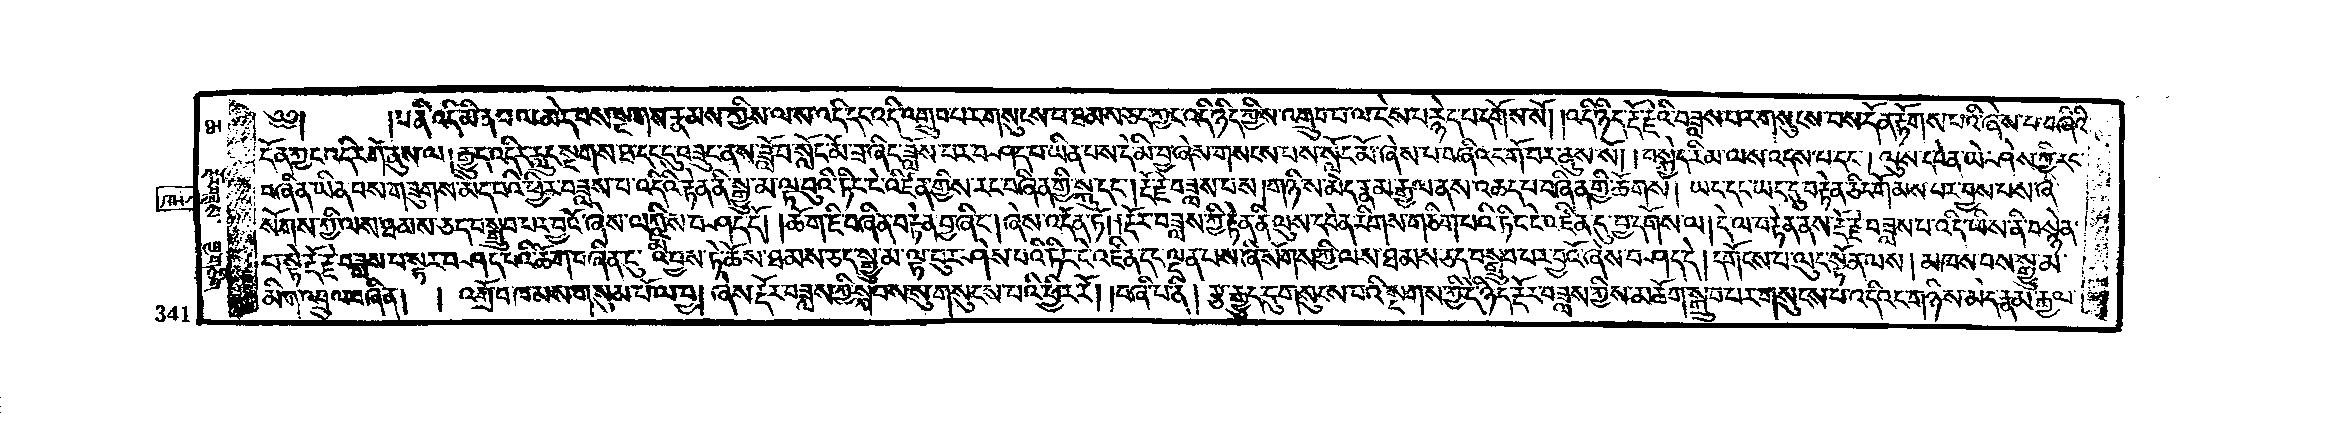༄༅། །པ་ནི་འདི་མིན་པ་ལ་མེད་པས་སྔགས་རྣམས་ཀྱིས་ལས་འདི་དང་འདི་འགྲུབ་པར་གསུངས་པ་ཐམས་ཅད་ཀྱང་འདི་ཉིད་ཀྱིས་འགྲུབ་པ་ལ་ངེས་པ་རྙེད་པ་དགོས་སོ། །འདི་ཉིད་རྡོ་རྗེའི་བཟླས་པར་གསུངས་པས་དོན་རྟོགས་པའི་ཞེས་པ་བཞིའི་
དོན་ཀྱང་འདིར་གོ་ནུས་ལ། རྒྱུད་འདིར་རླུང་སྔགས་ཐ་དད་དུ་བཟུང་ནས་ཟློ་བ་སློང་མོ་ཟ་ཞིང་ཟློས་པར་བཤད་པ་ཡིན་པས་དེ་མི་བྱ་ཞེས་གསངས་པས་སློང་མོ་ཞེས་པ་བཞིའང་གོ་བར་ནུས་སོ། །བསྐྱེད་རིམ་ལས་འདས་པ་དང་། ལུས་དབེན་ཡེ་ཤེས་ཀྱི་རང་
བཞིན་ཡིན་པས་གཟུགས་མེད་པའི་ཕྱིར་བཟླས་པ་འདིའི་རྟེན་ནི་སྒྱུ་མ་ལྟ་བུའི་ཏིང་ངེ་འཛིན་གྱིས་རང་བཞིན་གྱི་སྐུ་དང་། རྡོ་རྗེ་བཟླས་པས། གཉིས་མེད་རྣམ་རྒྱལ་ནས་འཆད་པ་བཞིན་གྱི་ཆོ་གས། ཡང་དང་ཡང་དུ་བརྟེན་ཅིང་གོམས་པར་བྱས་པས་ཞི་
སོགས་ཀྱི་ལས་ཐམས་ཅད་བསྒྲུབ་པར་བྱའོ་ཞེས་ལཀྵྨཱིས་བཤད་དོ། །ཆོ་ག་ཇི་བཞིན་བརྟེན་བྱ་ཞིང་། ཞེས་འདོན་ཏོ། །རྡོར་བཟླས་ཀྱི་རྟེན་ནི་ལུས་དབེན་རིགས་གཅིག་པའི་ཏིང་ངེ་འཛིན་དུ་བྱ་དགོས་ལ། དེ་ལ་བརྟེན་ནས་རྡོ་རྗེ་བཟླས་པ་འདི་ཡིས་ནི་བསྙེན་
པ་སྟེ་རྡོ་རྗེ་བཟླས་པ་སྟར་བཤད་པའི་ཆོ་ག་བཞིན་དུ་བྱས་ཏེ་ཆོས་ཐམས་ཅད་སྒྱུ་མ་ལྟ་བུར་ཤེས་པའི་ཏིང་ངེ་འཛིན་དང་ལྡན་པས་ཞི་སོགས་ཀྱི་ལས་ཐམས་ཅད་བསྒྲུབ་པར་བྱའོ་ཞེས་བཤད་དེ། དགོངས་པ་ལུང་སྟོན་ལས། མཁས་བས་སྒྱུ་མ་
མིག་འཕྲུལ་བཞིན། །འགྲོ་བ་ཁམས་གསུམ་པོ་ལ་བྱ། ཞེས་རྡོར་བཟླས་ཀྱི་སྐབས་སུ་གསུངས་པའི་ཕྱིར་རོ། །བཞི་པ་ནི། རྩ་རྒྱུད་དུ་གསུངས་པའི་སྔགས་ཀྱི་དེ་ཉིད་རྡོར་བཟླས་ཀྱིས་མཆོག་སྒྲུབ་པར་གསུངས་པ་འདིའང་གཉིས་མེད་རྣམ་རྒྱལ་